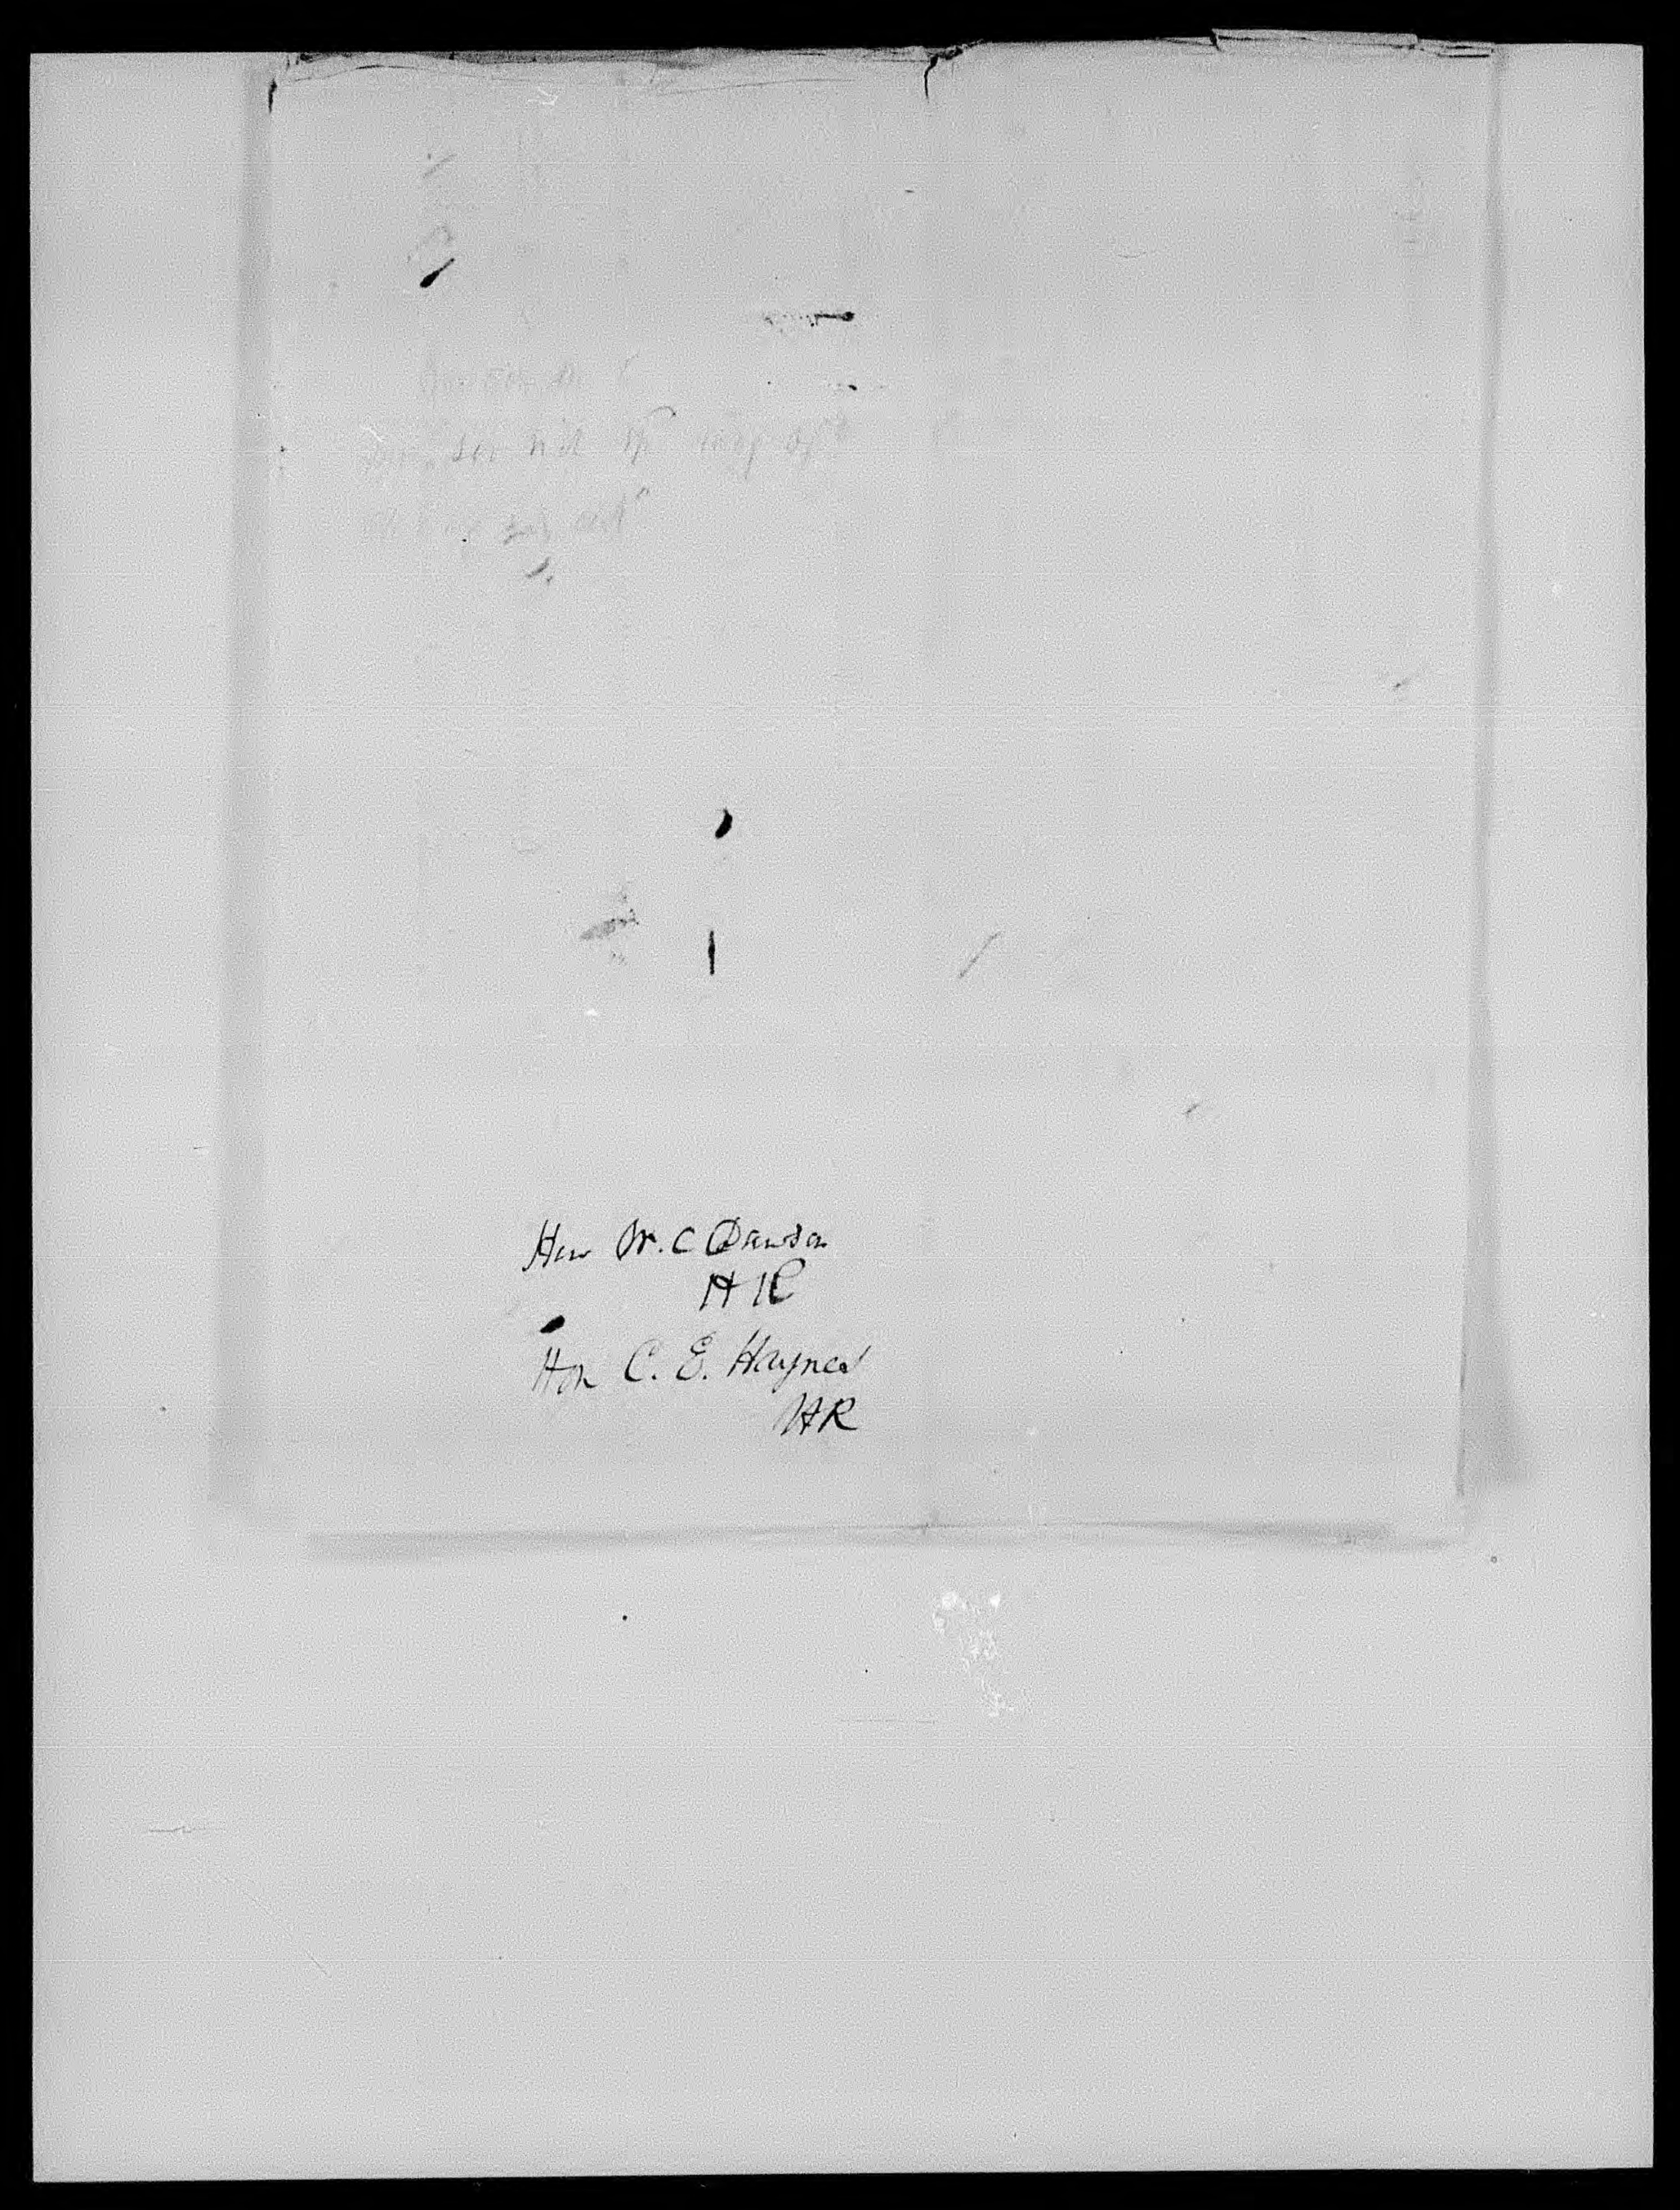Hon W. C Dawson
H [illegible]
Hon C.E. Haynes
[illegible] R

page: 31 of 55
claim: widow's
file: W. 7894, for John Jenkins, Virginia